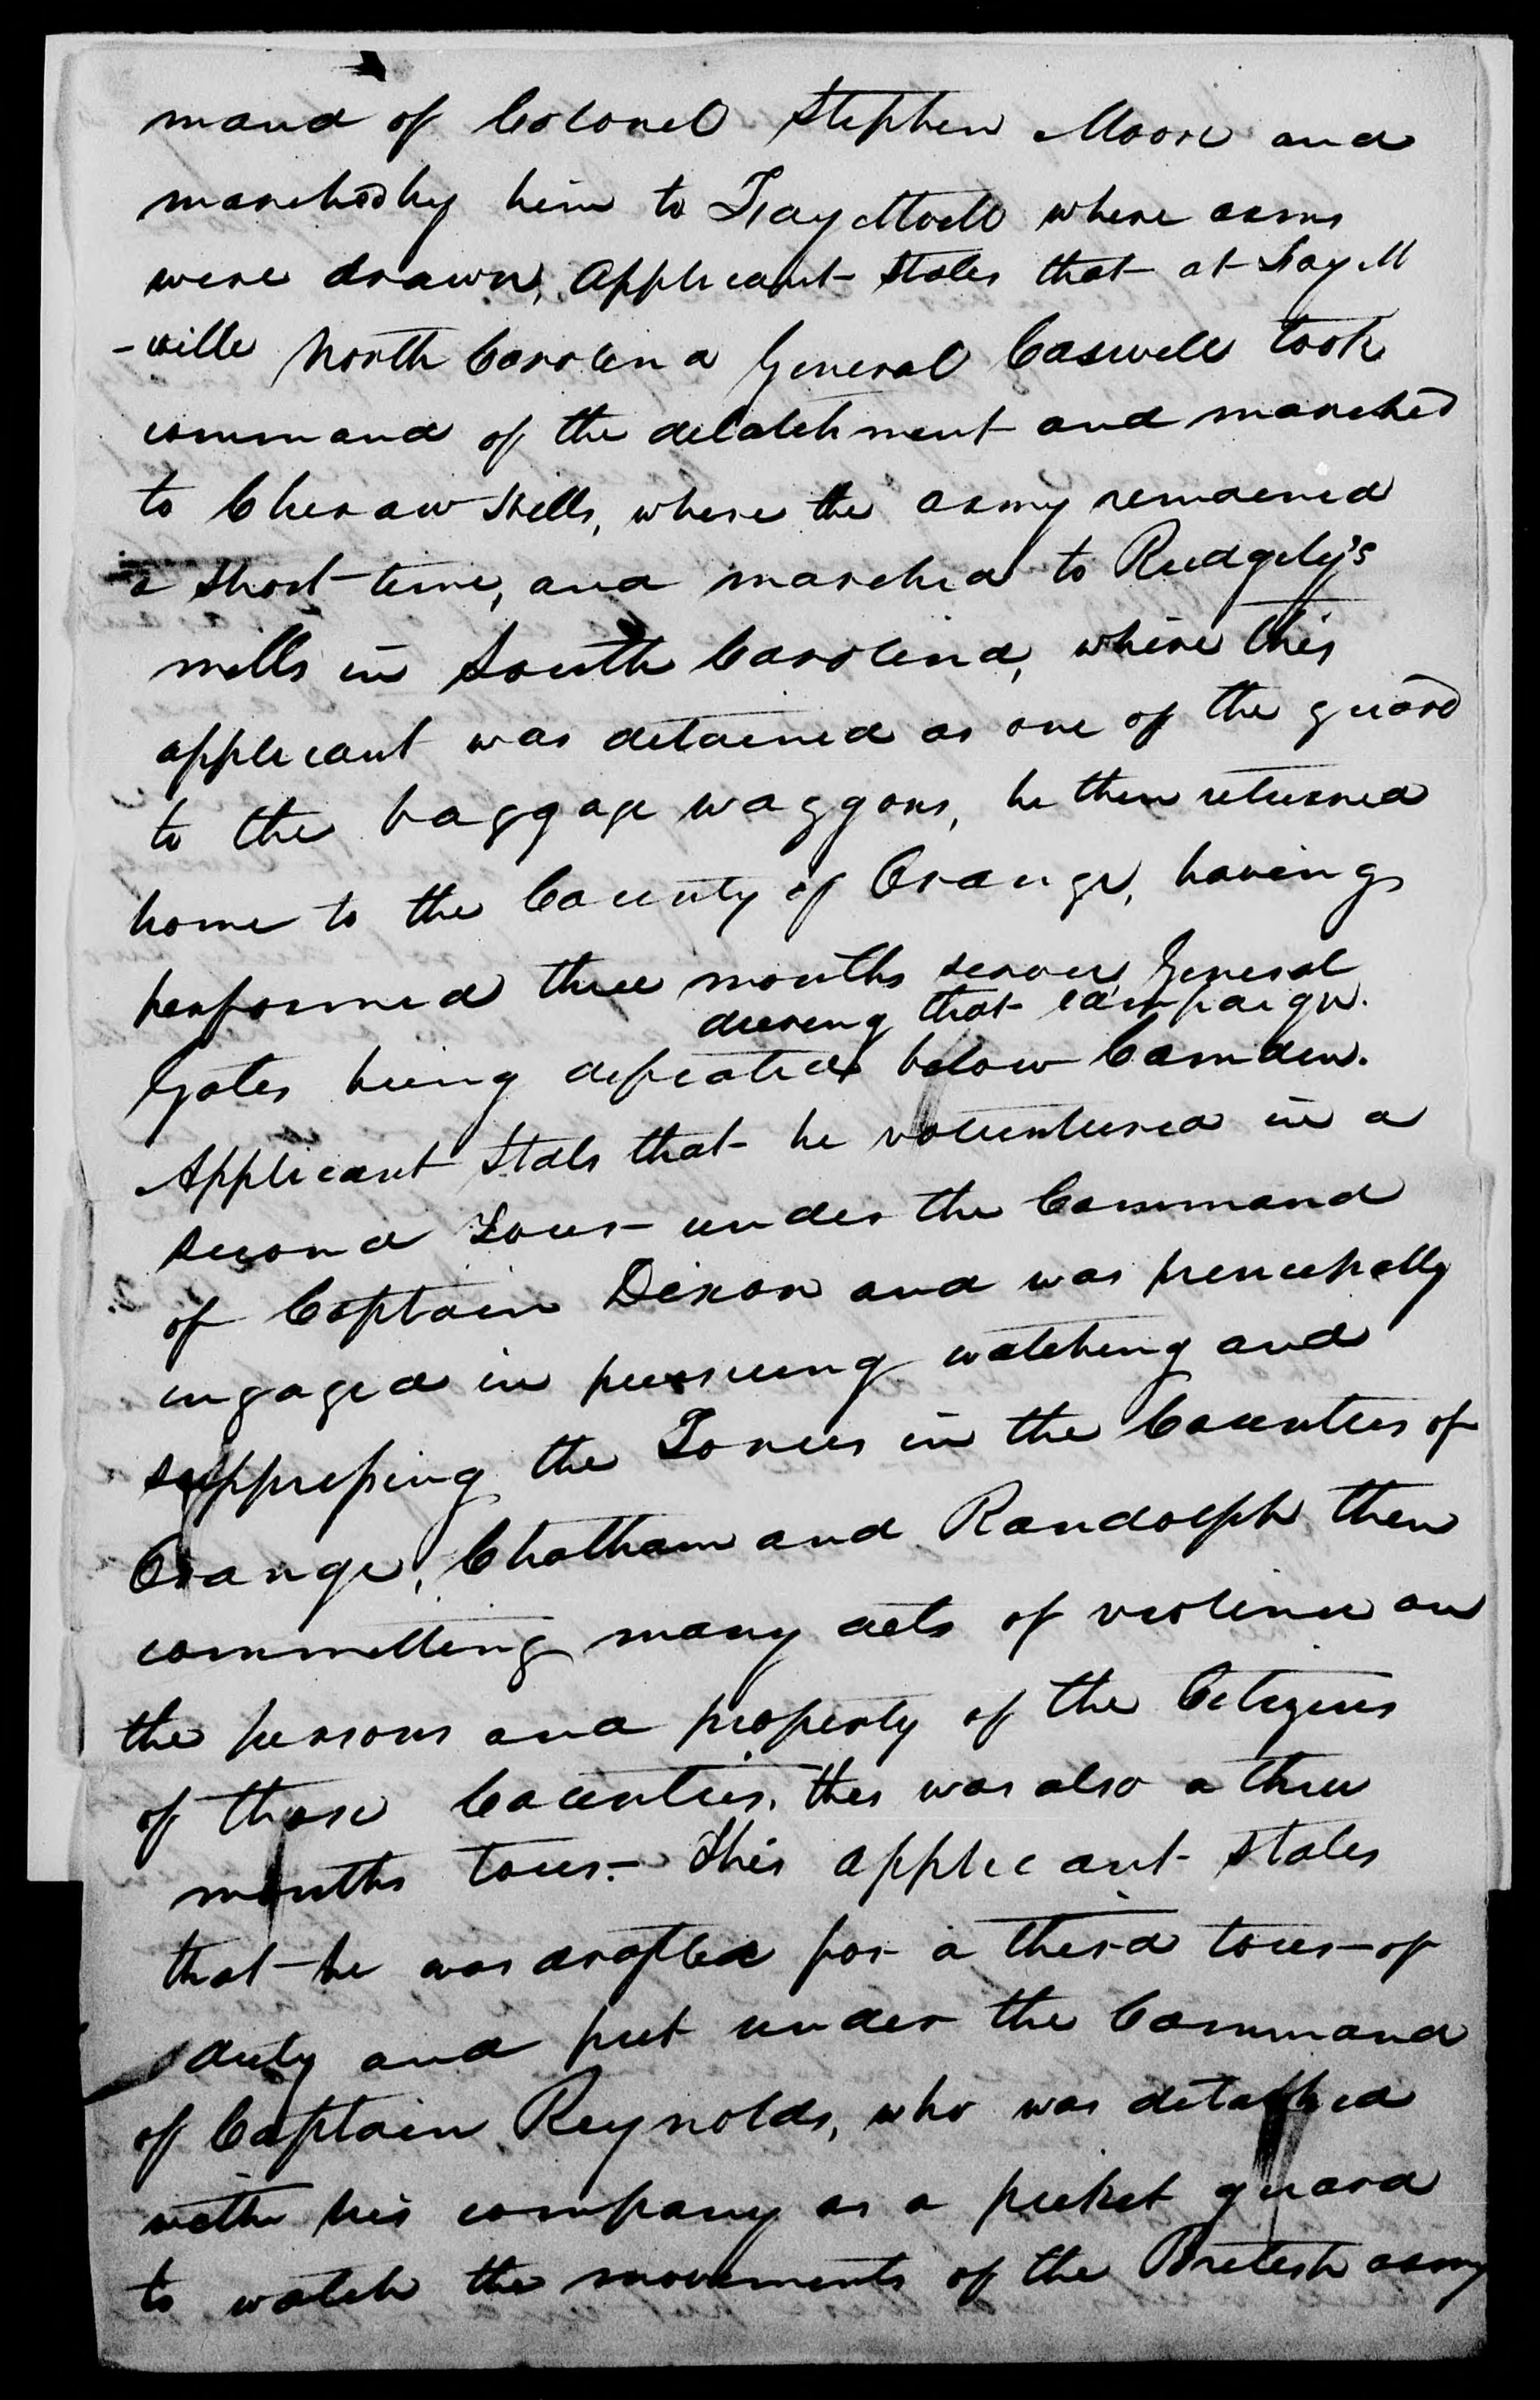command of Colonel Stephen Moore and marched by him to Fayetteville where arms were drawn. Applicant states that at Fayetteville North Carolina a General Caswell took command of the attachment and marched to Cheraw Hills, where the army remained a short time and marched to Rudgley's [Rugeley's] Mills in South Carolina where this applicant was detained as one of the guard to the baggage waggons. He then returned home to the County of Orange, having performed three months services, General Gates being  defeated below Camden (insertion) during that campaign. (end insertion).
Applicant states that he volunteered in a second tour under the Command of Captain Denon and was frequently engaged in pursuing watching and suppressing the Tories in the Counties of Orange, Chatham and Randolph then committing many acts of violence on the persons and property of the Citizens of those counties this was also three months tour. This applicant states that he was drafted for a third tour of duty and put under the Command of Captain Reynolds who was detached with his company as a picket guard to watch the movements of the British army.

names: Caswell, Dexon, Gates, Stephen Moore, Reynolds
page: 18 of 24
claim: rejected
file: R. 5342, James Hues, N.C.